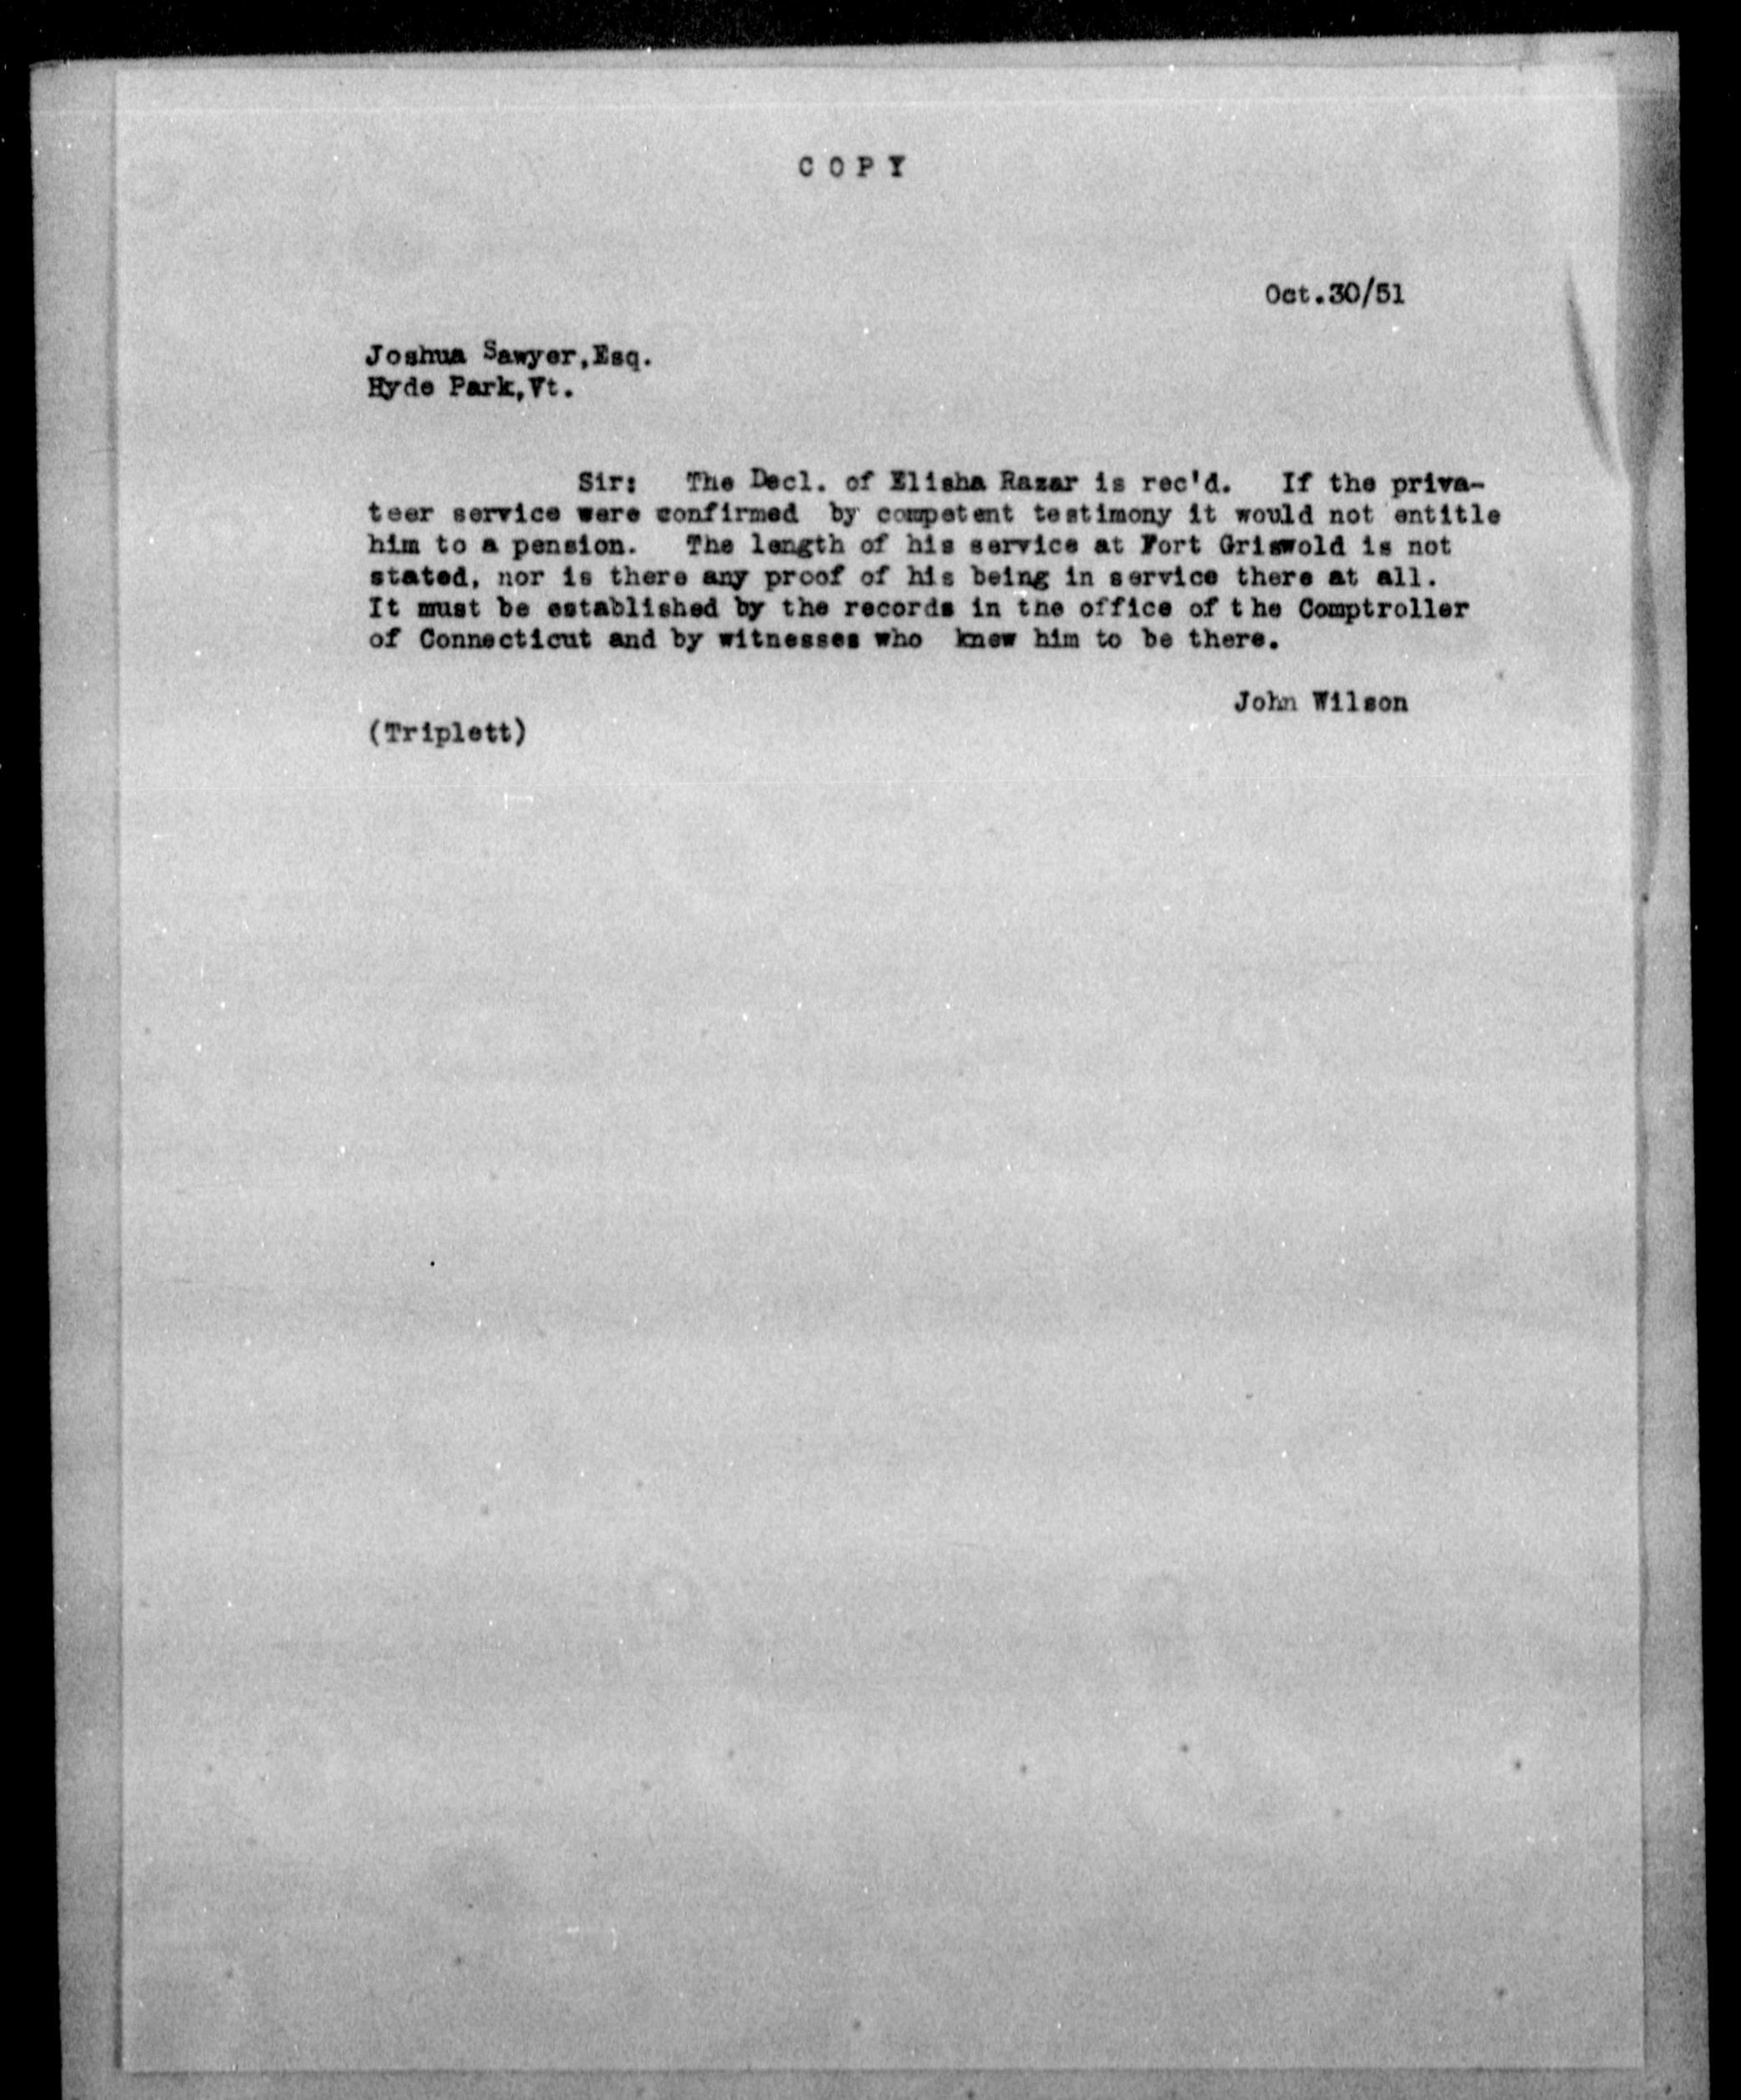COPY

Oct. 30/51

Joshua Sawyer, Esq.
Hyde Park, Vt.

Sir:
The Decl. of Elisha Razar is rec'd.  If the privateer service were confirmed by competent testimony it would not entitle him to a pension.  The length of his service at Fort Griswold is not stated, nor is there any proof of his being in service there at all.  It must be established by the records in the office of the Comptroller of Connecticut and by witnesses who knew him to be there.

John Wilson

(Triplett)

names: [BLANK] Triplett; Joshua Sawyer; John Wilson; Elisha Razar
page: 29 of 30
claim: rejected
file: R. 8625, for Elisha Razar, Connecticut